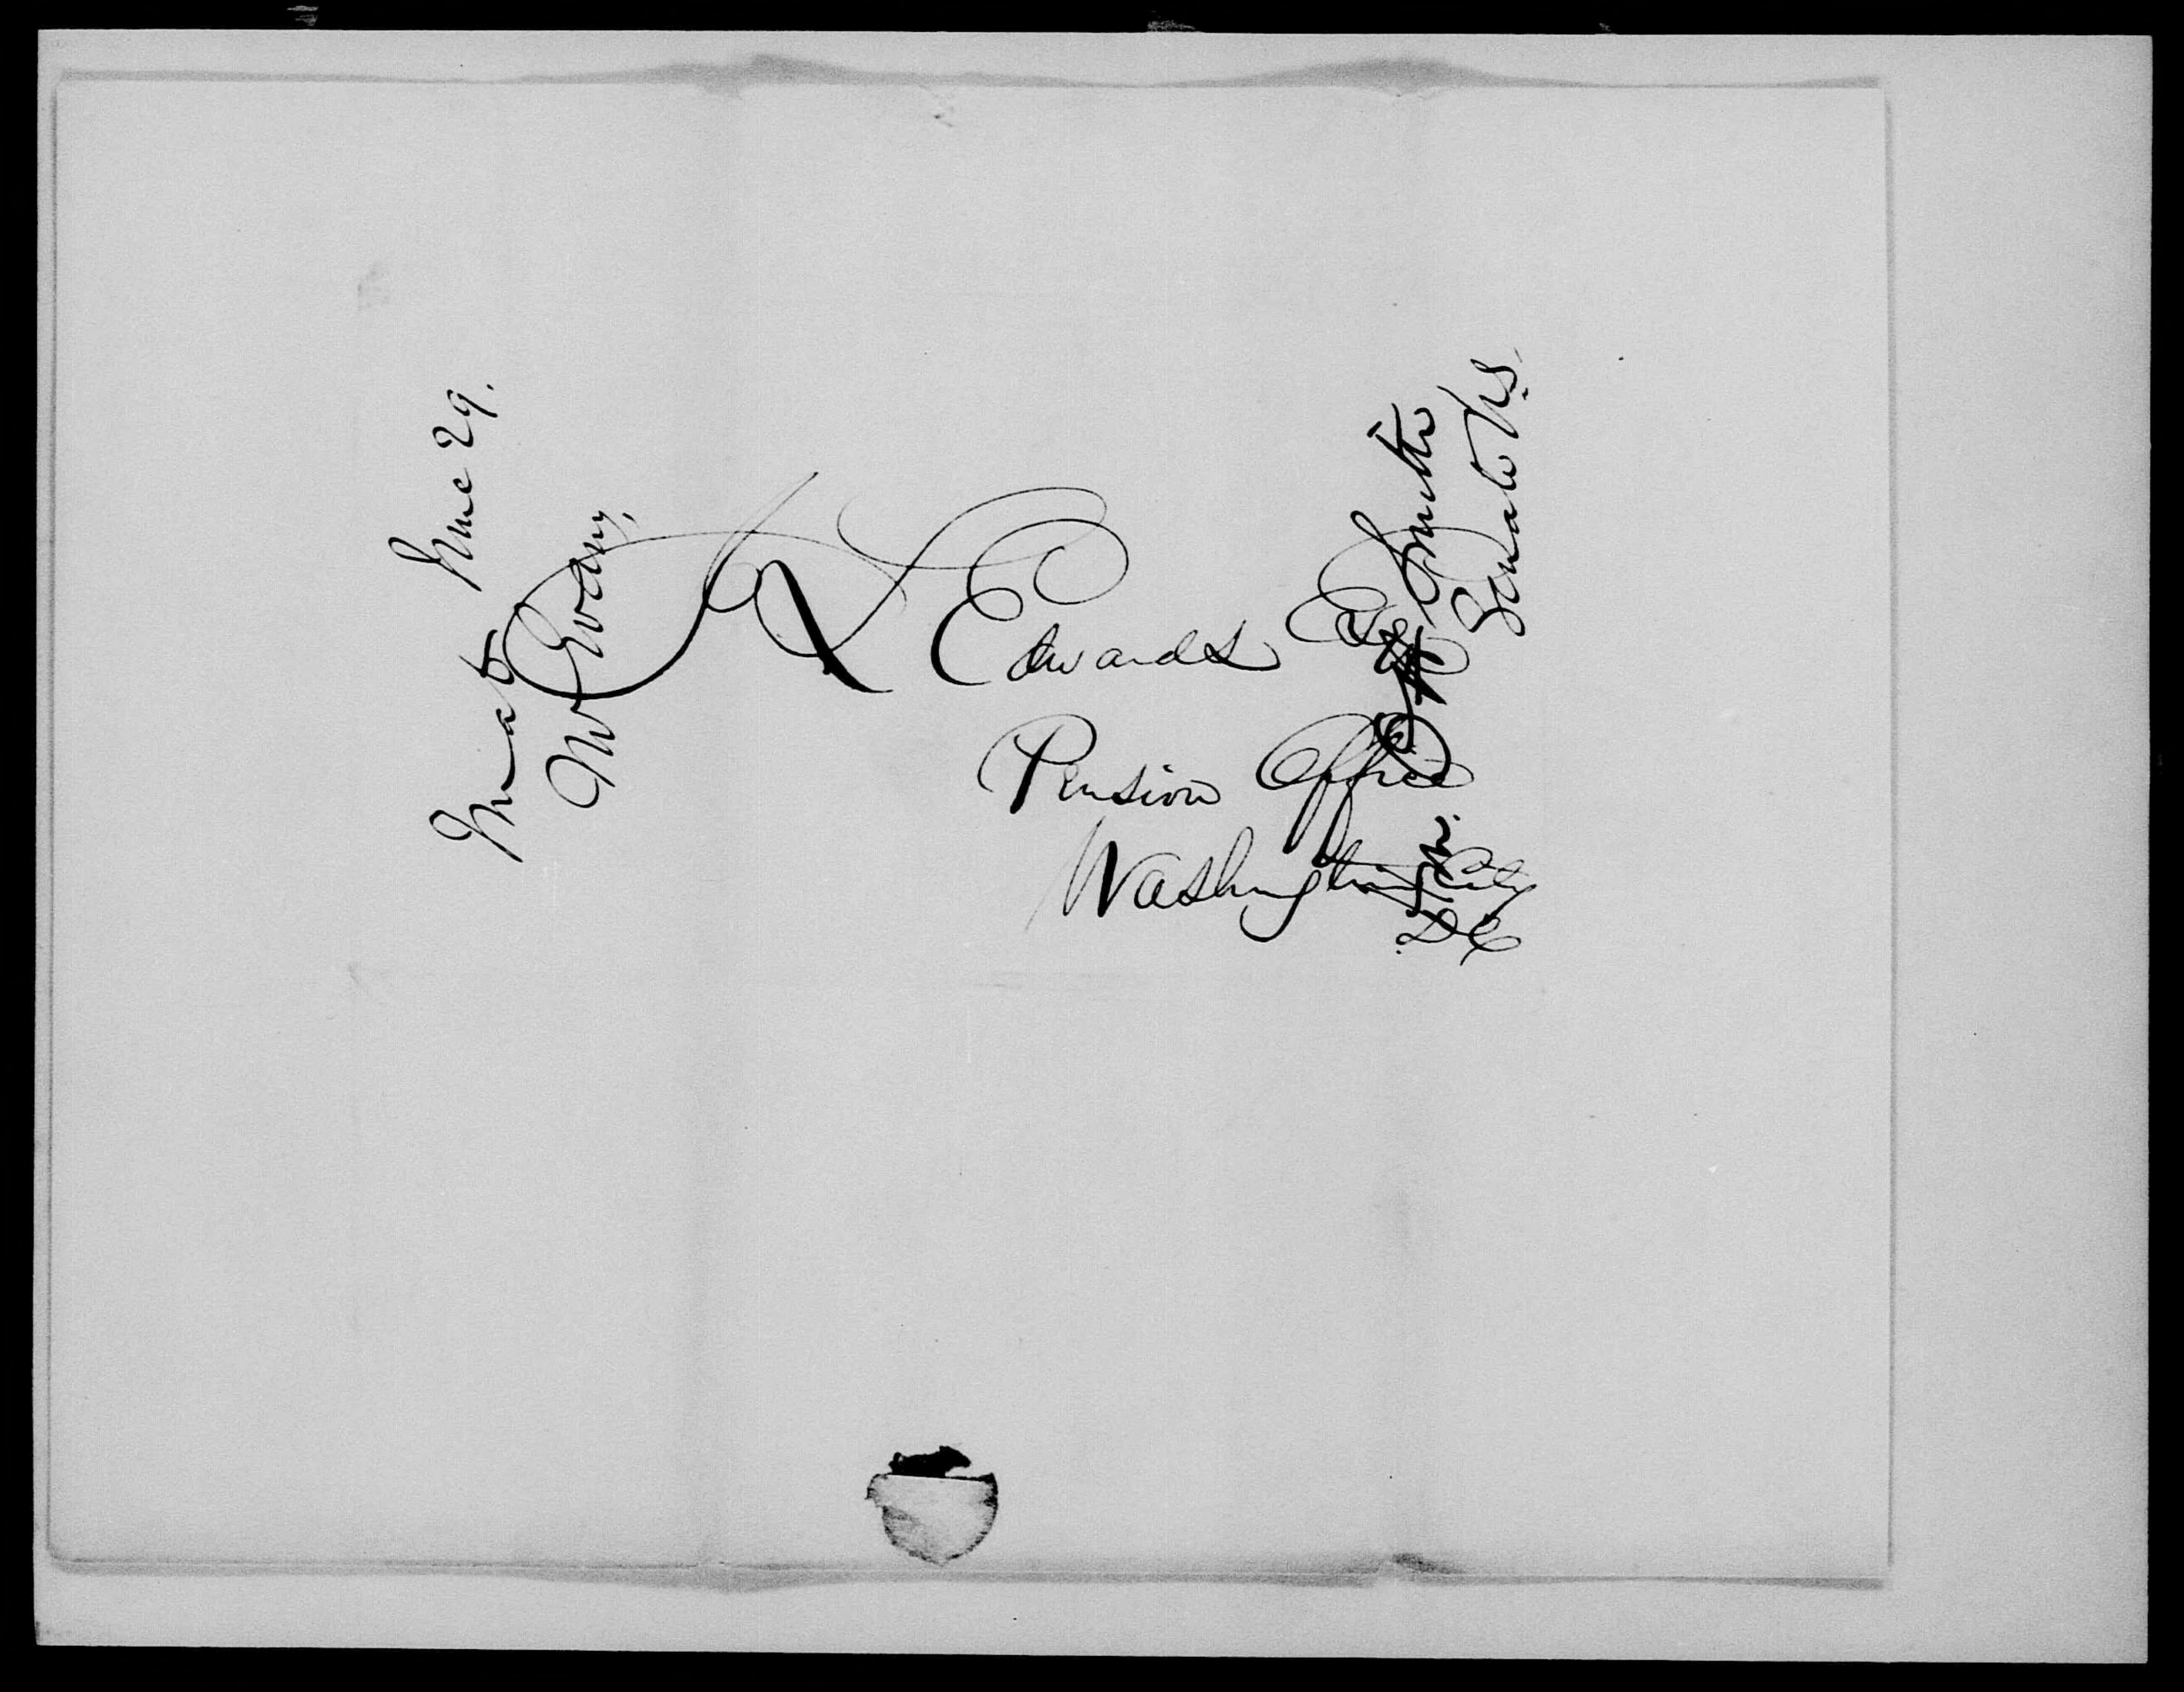J L Edwards
Pension Office
Washington City
DC

March to June 29

W Evans

Hon O H Smith 
Senate U.S.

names: O H Smith; J L Edwards; [BLANK] Evans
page: 15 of 21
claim: survivor's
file: S. 32453, for William Polen, Virginia